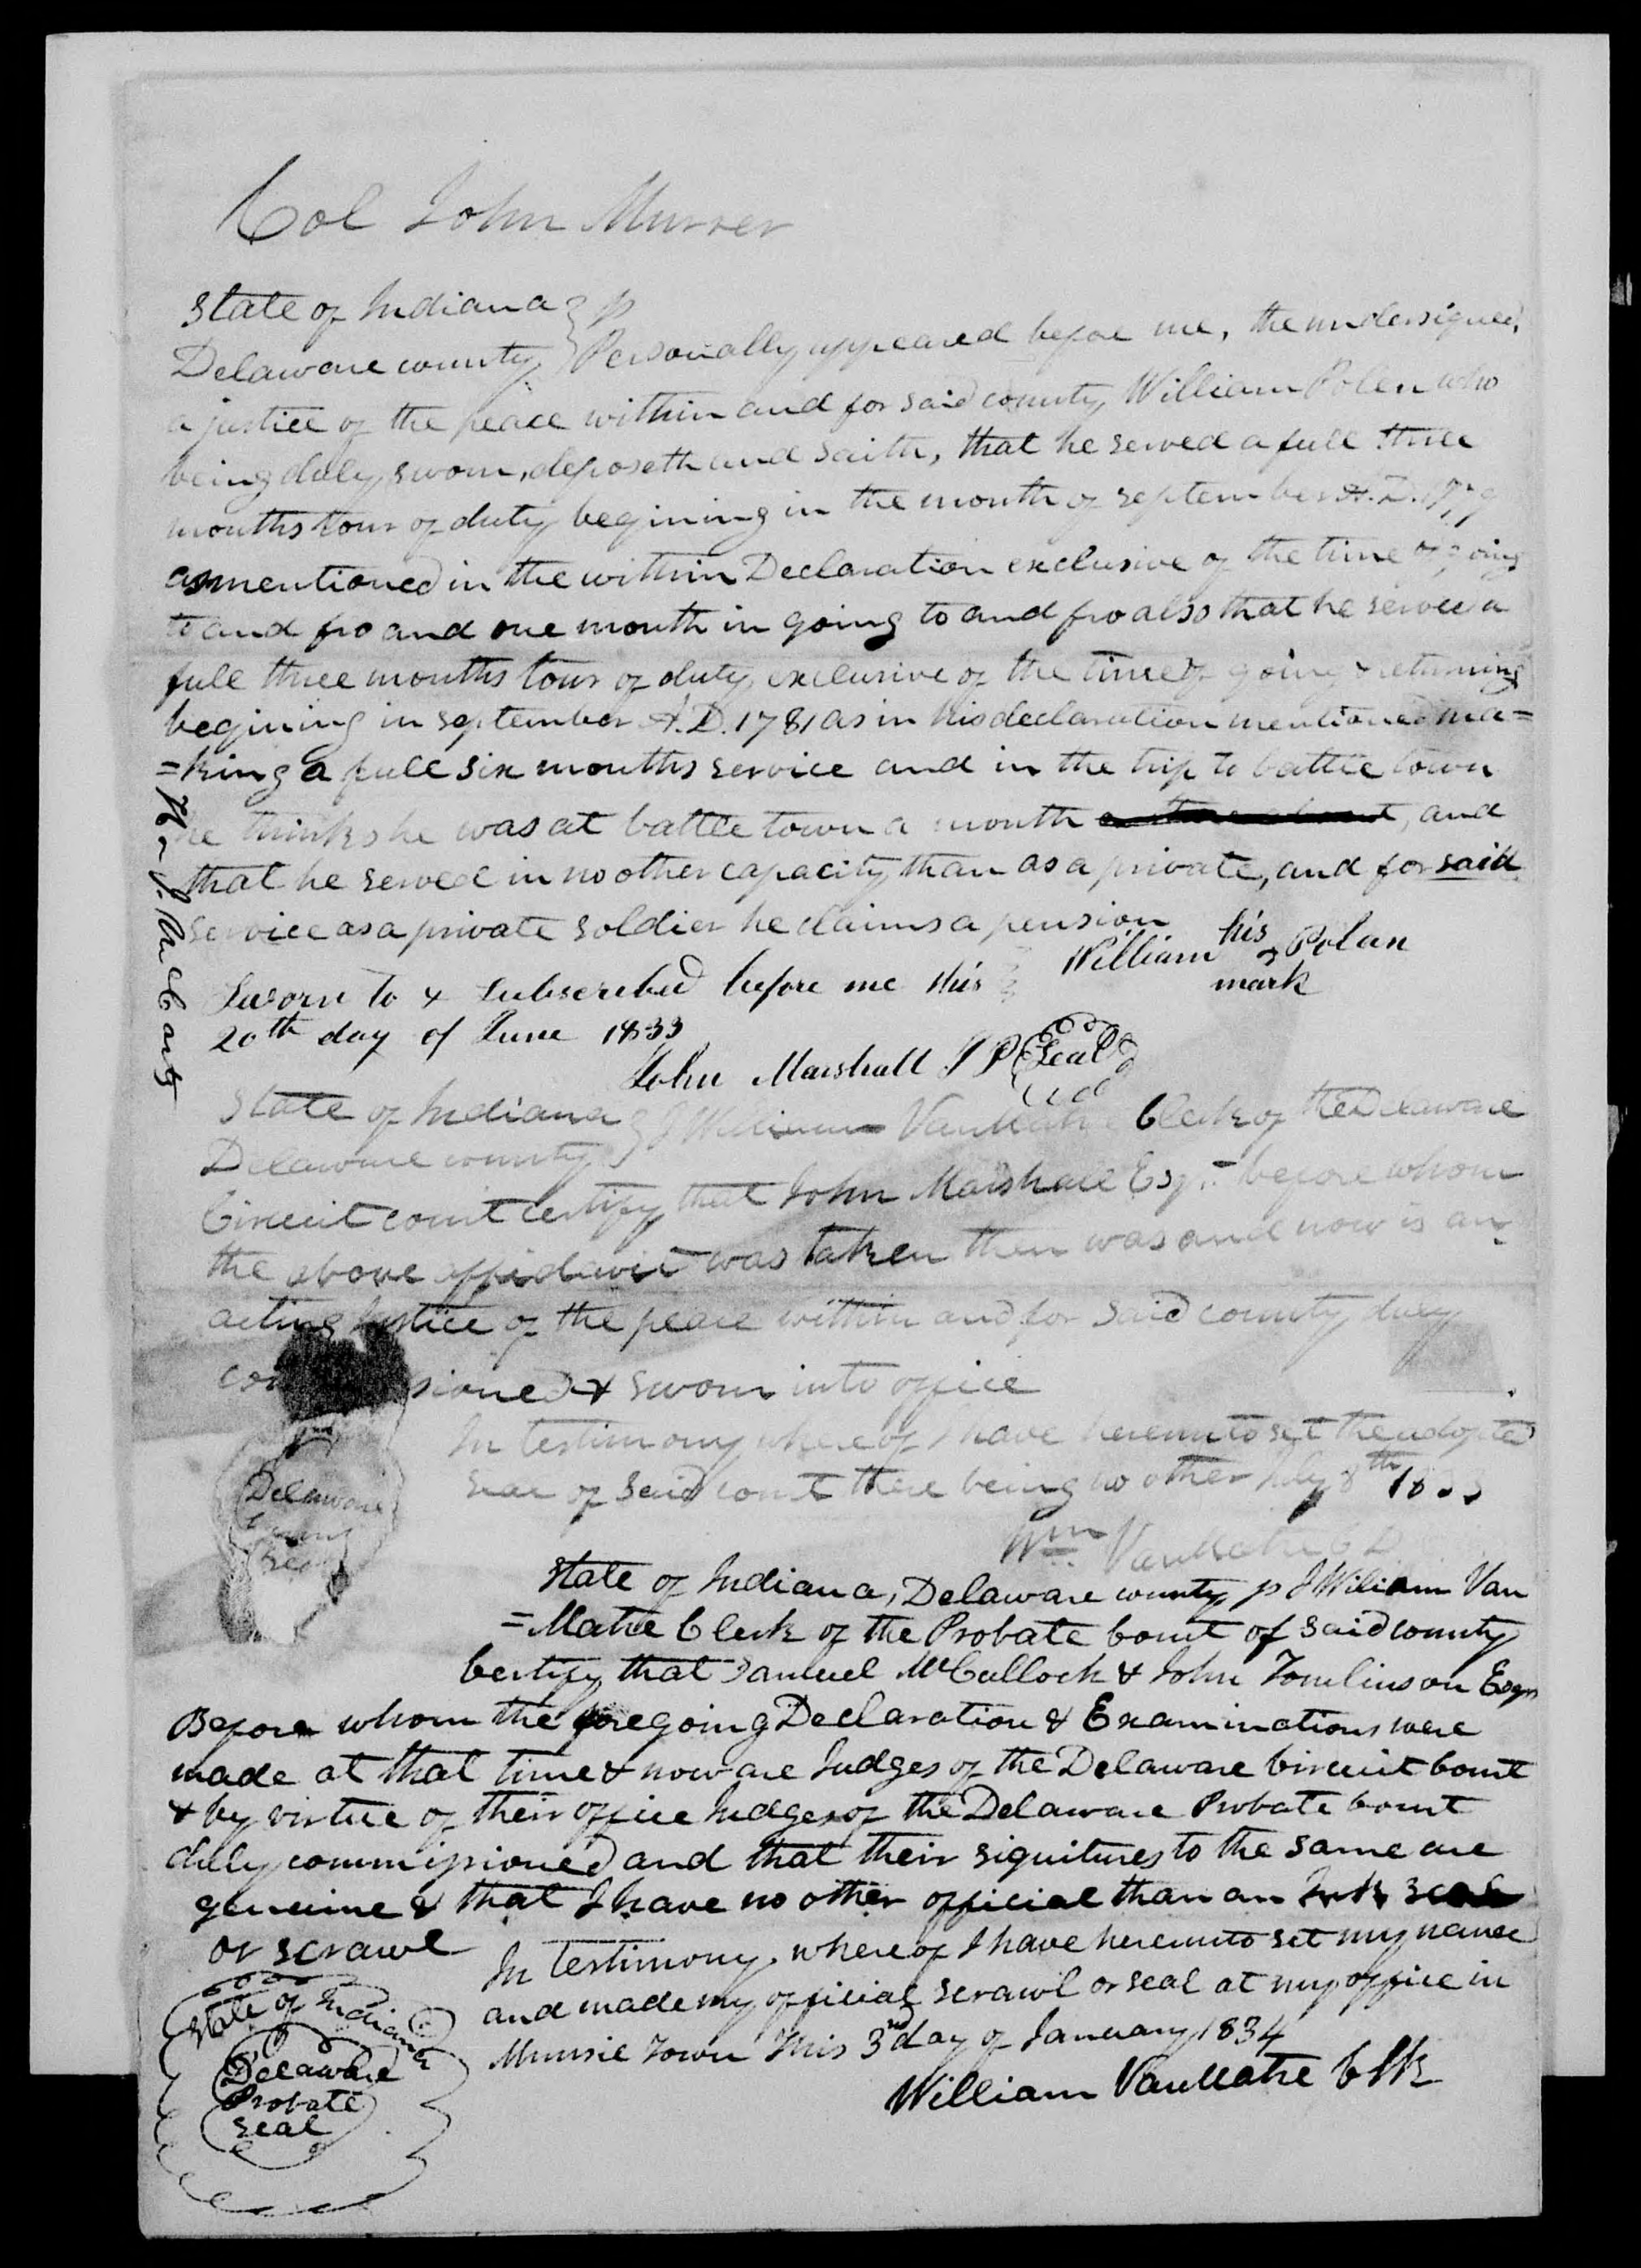Hon J. M Cantz

Col John Murrer
State of Indiana ss
Delaware County Personally appeared before me, the undersigned, a justice of the peace within and for said county William Polen who being duly sworn, deposeth and saith, that he served a full three months of duty beginning in the month of September A.D. 1779 mentioned in the within Declaration exclusive of the time of going to and fro and one month in going to and fro also that he served a full three months tour of duty exclusive of the times of going & returning beginning in September A.D. 1781 as in his declaration mentioned making a full six months service and in the trip to battle town he thinks he was at battle town a month, and that he served in no other capacity than as a private, and for said service as a private soldier he claims a pension
William Polan x his mark
Sworn to & subscribed before me this
20th day of June 1833
John Marshall JP Seal

State of Indiana I William VanMatre Clerk of
Delaware County the Delaware Circuit Court certify that John Marshall Esq., before whom the above affidavit was taken then was and now is an acting Justice of the peace within and for said county duly commissioned & sworn into office
In testimony whereof, I have hereunto set the adopted seal of said Court there being no other July 8th 1833
Wm. VanMatre CD

State of Indiana, Delaware county ss I William Van Matre Clerk of the Probate Court of said County certify that Samuel McCulloch & John Tomlinson Esqrs, Before whom the foregoing Declaration & Examinations were made at that time & now are Judges of the Delaware Probate Court duly commissioned and that their signatures to the same are genuine & that I have no other official than an Ink or scrawl
In testimony whereof I have hereunto set my name and made my official scrawl or seal at my office in Minsie Town This 3d day of January 1834
William VanMatre Clk
State of Indiana
Delaware
Probate
Seal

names: William Van Matre; John Murrer; William Polen; Samuel Mc Culloch; J Mc Carty; John Tomlinson; John Marshall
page: 6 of 21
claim: survivor's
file: S. 32453, for William Polen, Virginia